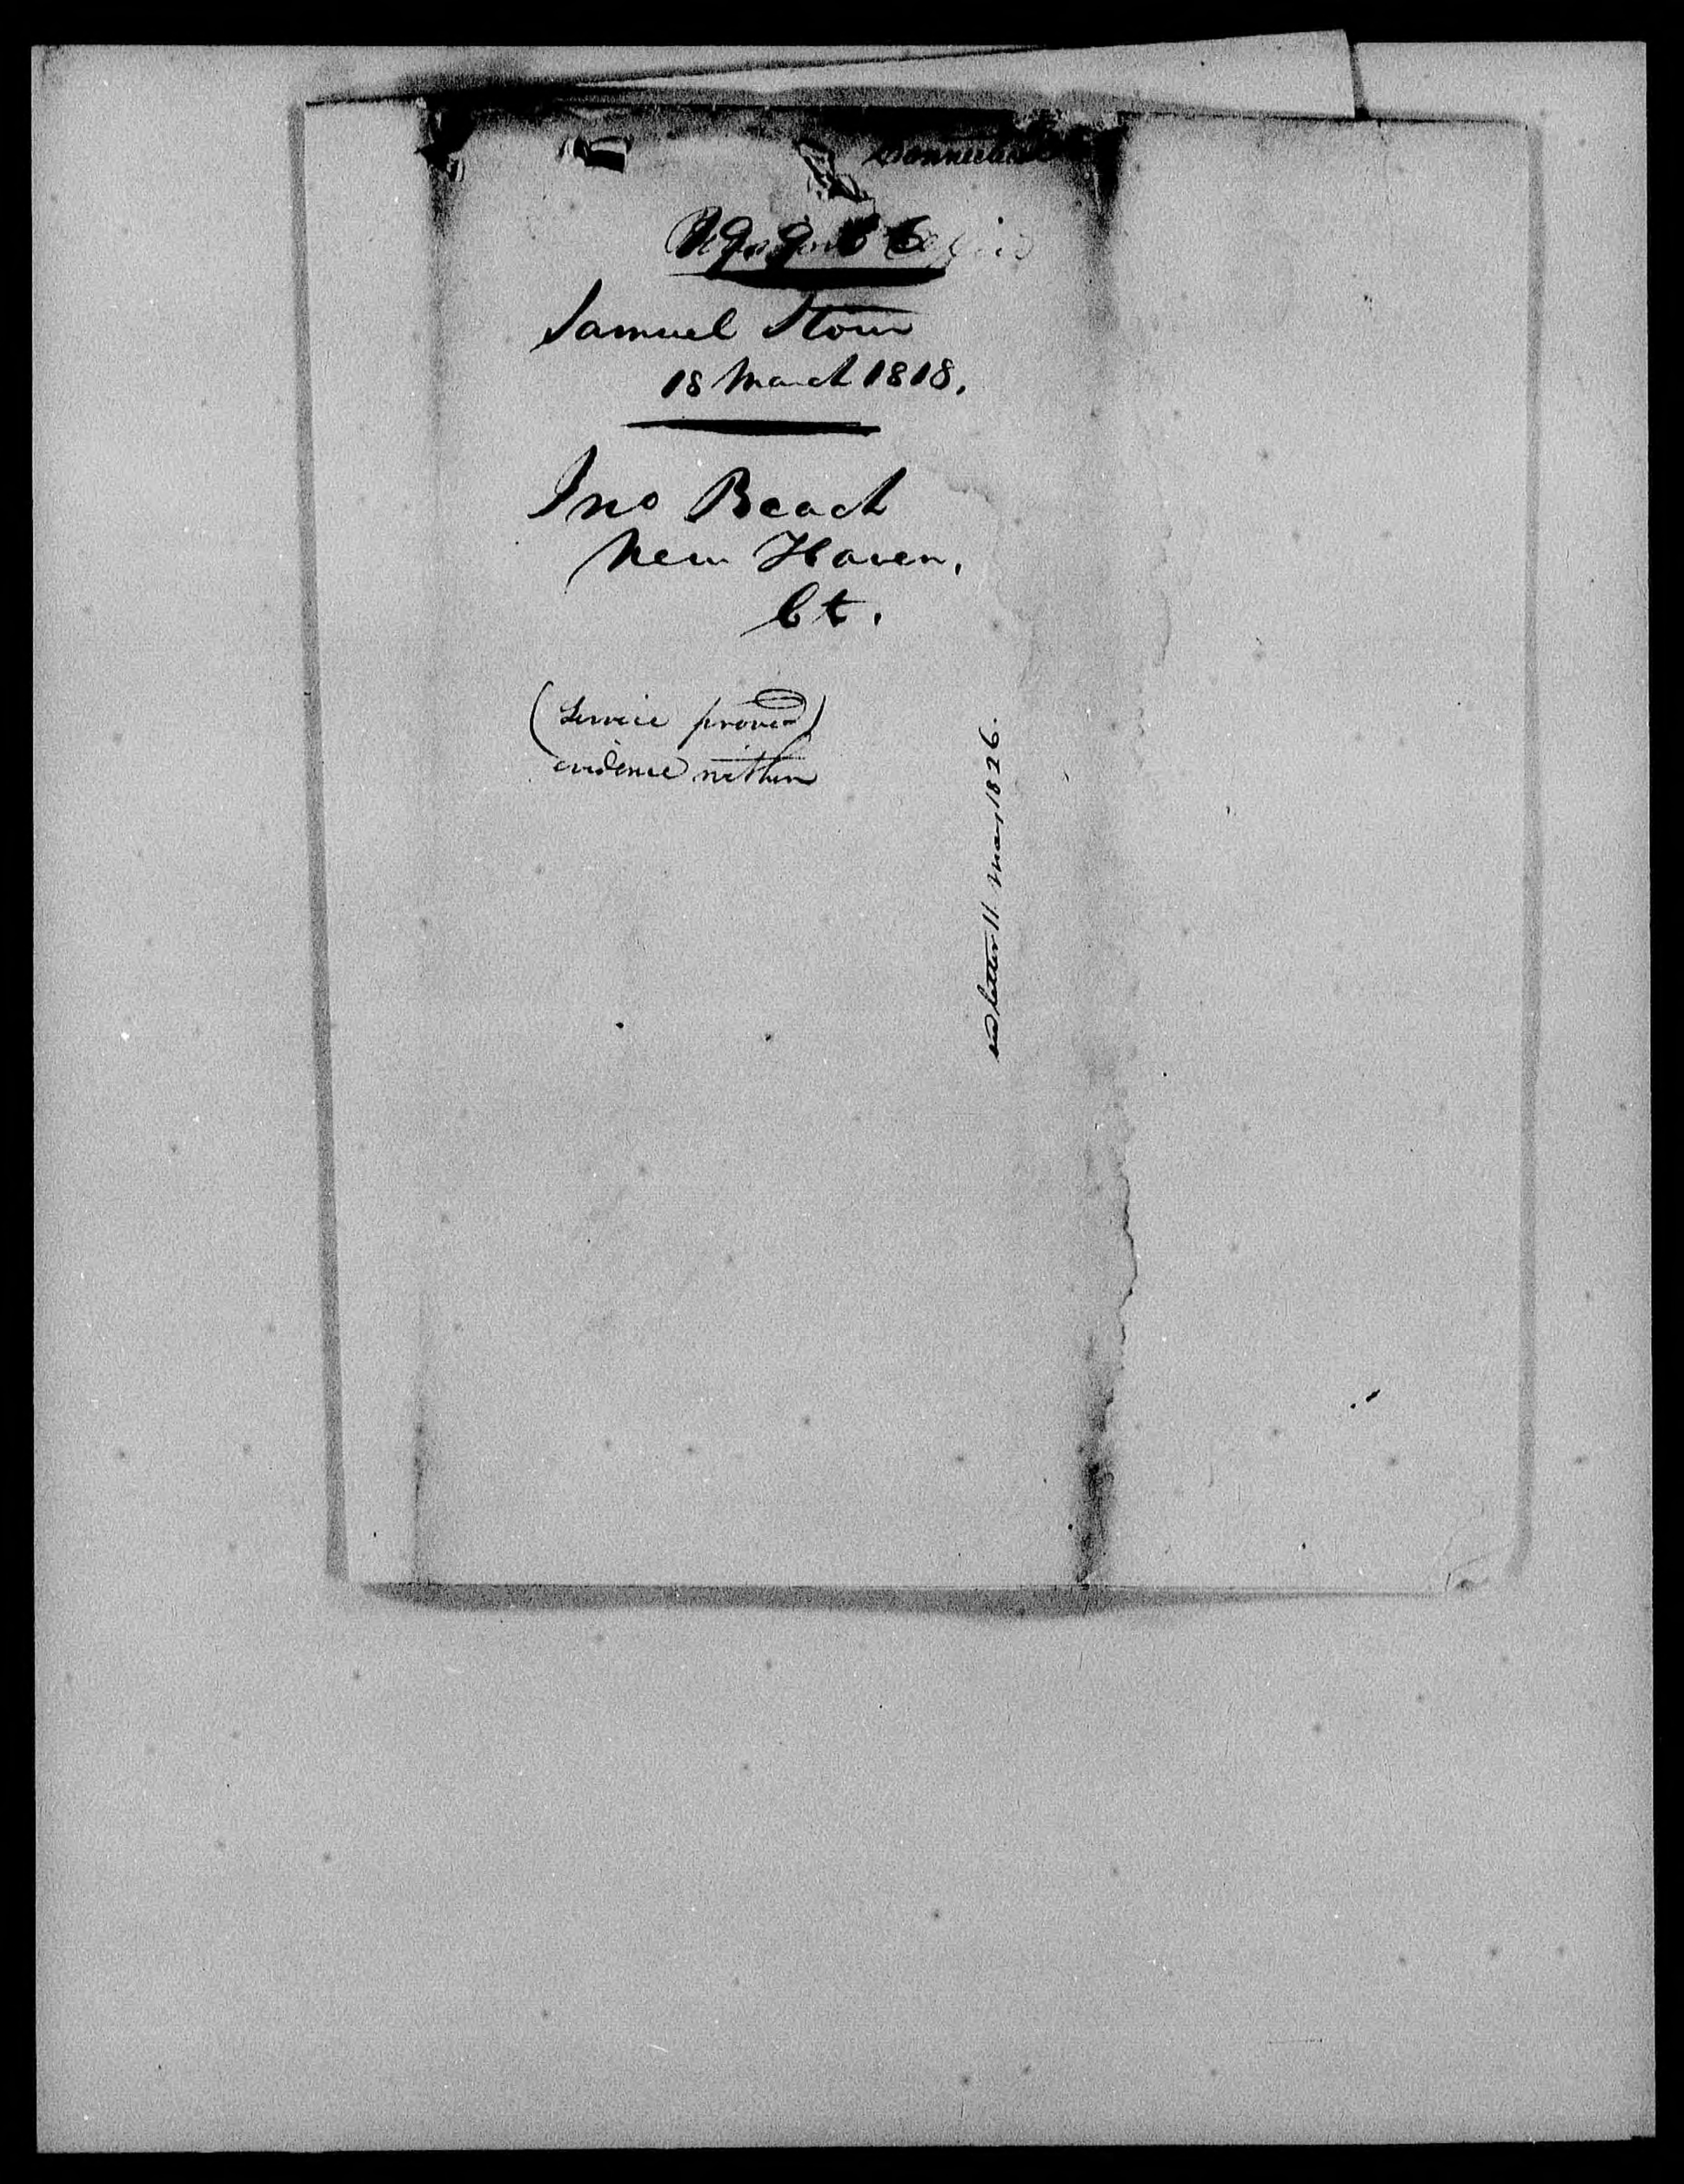19,966
Samuel Stow
18 March 1818.

Jno Beach
New Haven
CT.

(service proved)
evidence within

See letter 11 March 1826.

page: 34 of 42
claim: survivor's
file: S. 36,819, for Samuel Stow, Connecticut